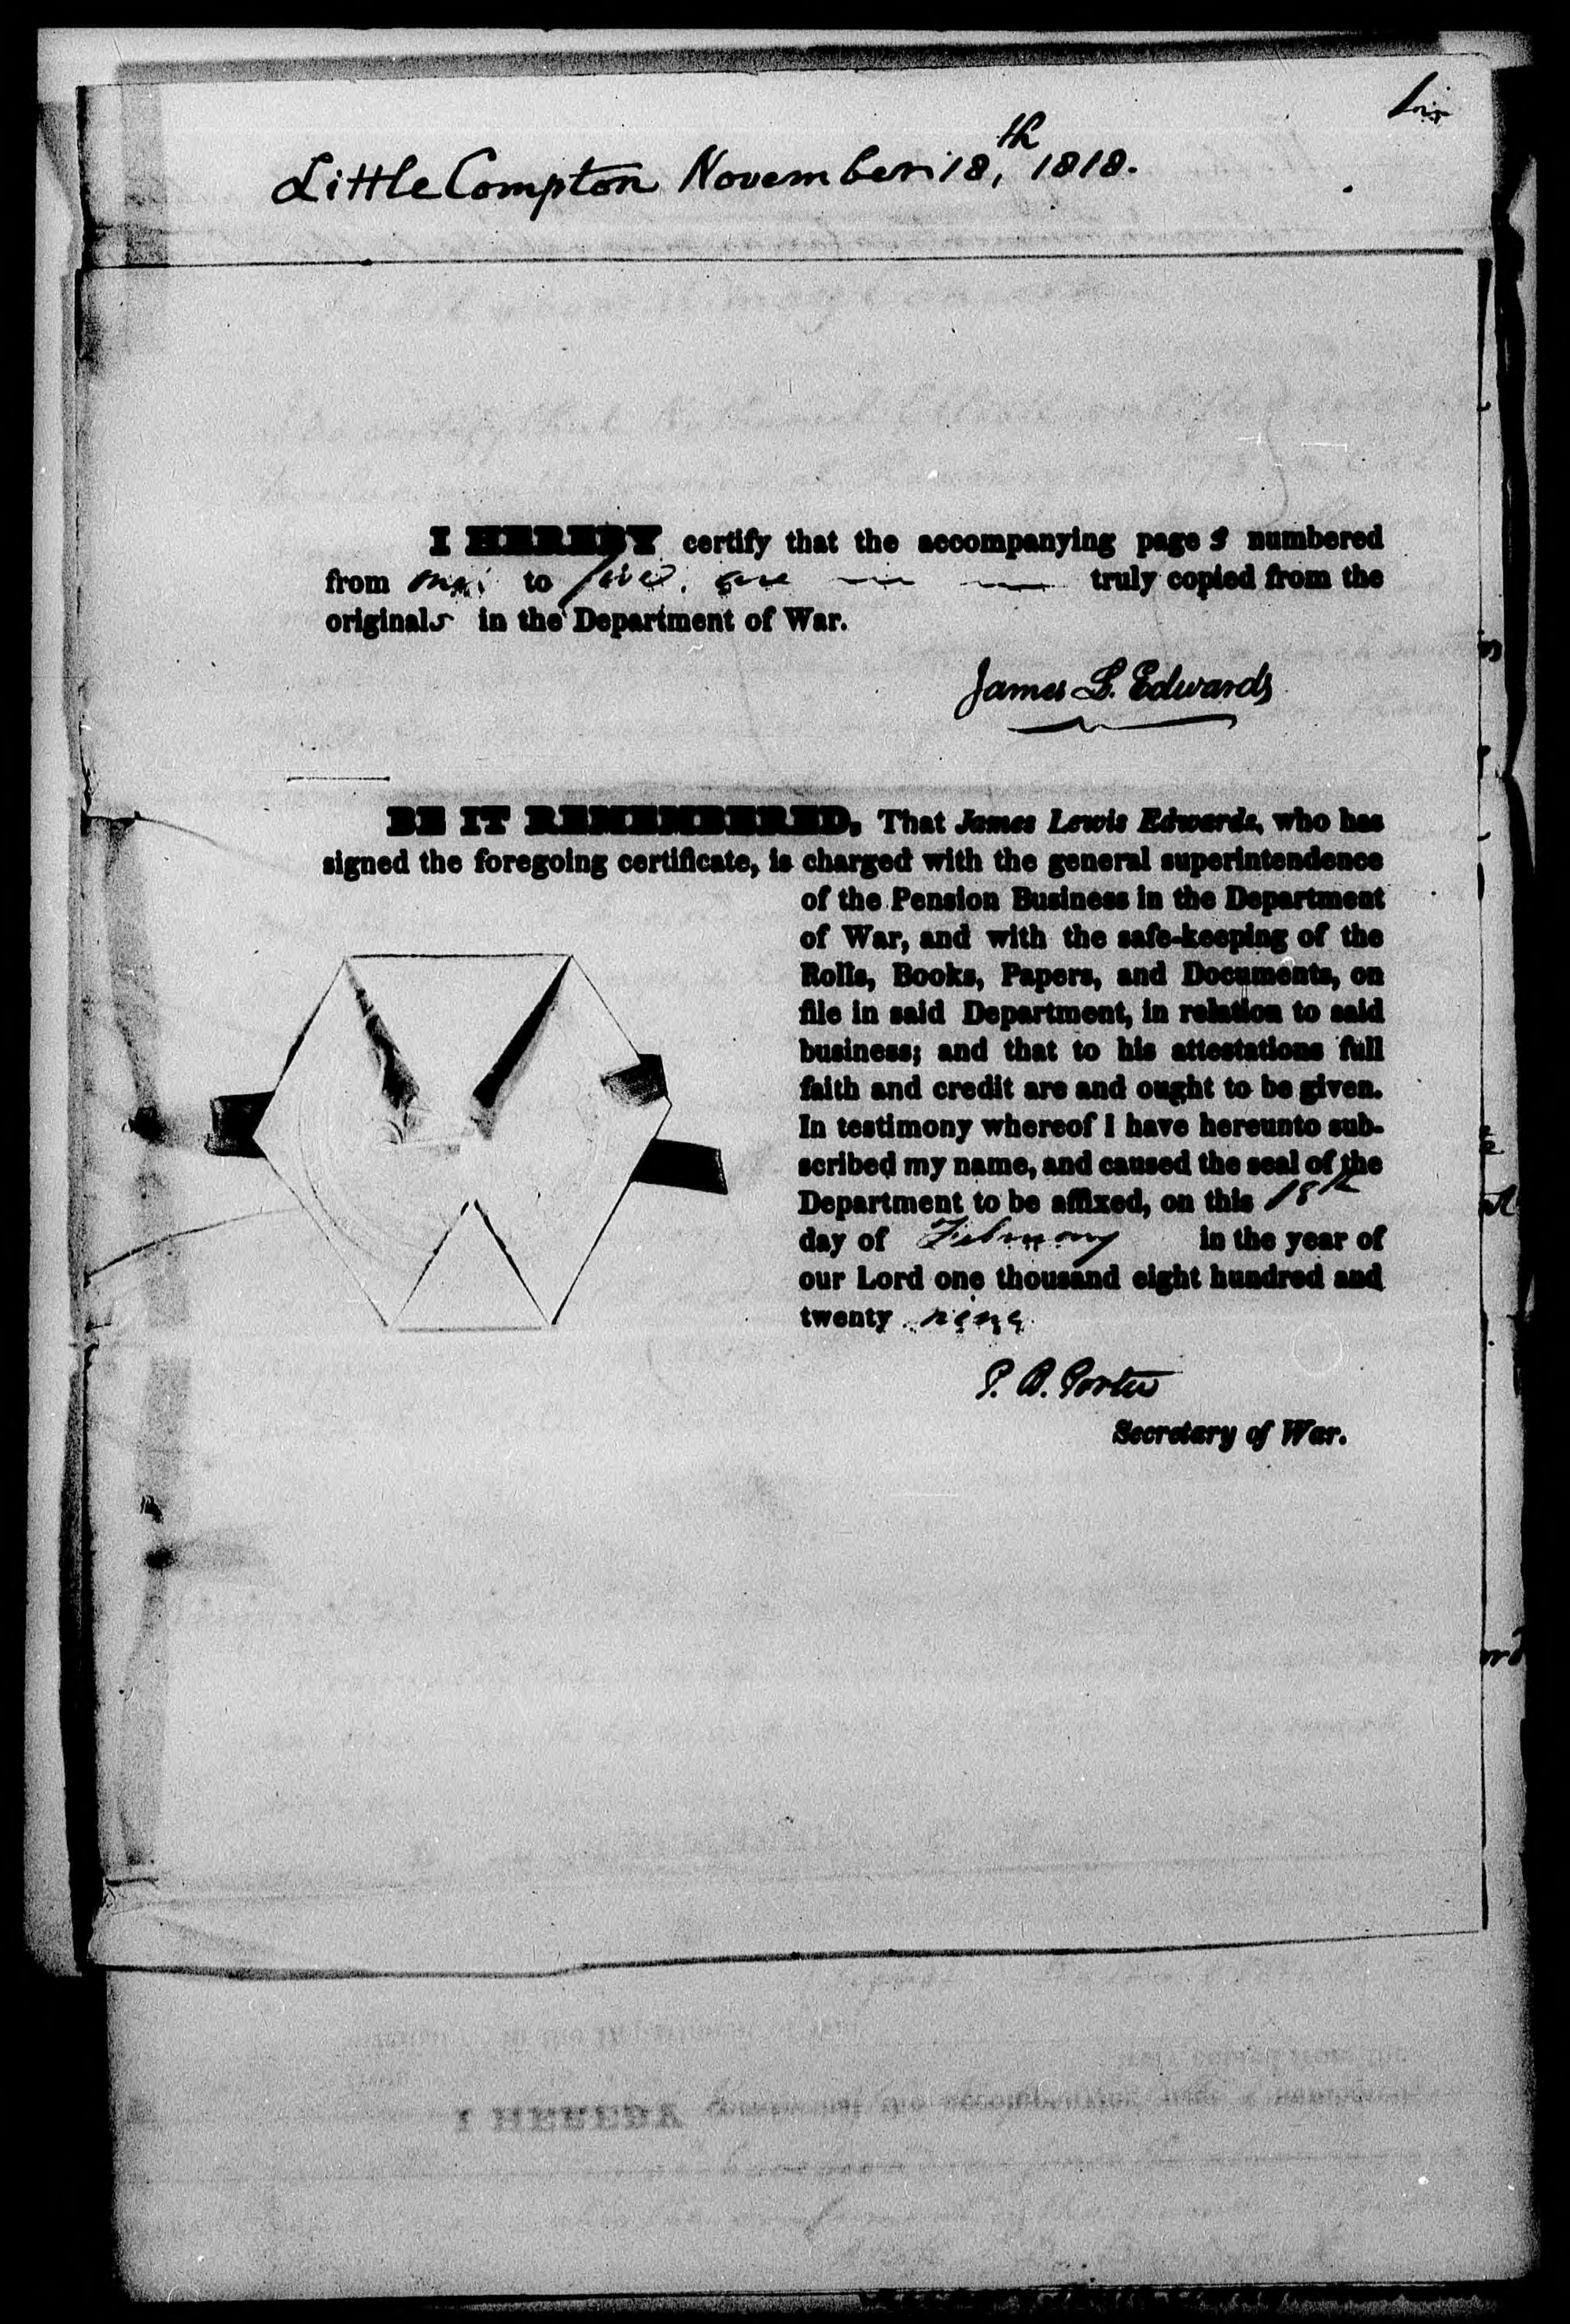Little Compton November 18th 1818.

I HEREBY certify that the accompany pages number from one to five are truly copied from the originals in the Department of War. James L. Edwards

BE IT REMEMBERED, That James Lewis Edwards, who has signed the foregoing certificate, is charged with the general superintendence of the Pension Business in the Department of War, and with the safe-keeping of the Rolls, Books, Papers, and Document, on file in said Department, in relation to said business; and that to his attestations full faith and credit are and ought to be given. In testimony whereof I have hereunto subscribed my name, and caused the seal of the department to be affixed, on this 18th day of February in the year of our Lord one thousand eight hundred and twenty nine P. B. Gorter Secretary of War.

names: James L Edwards, James Lewis Edwards, P B Gorter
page: 24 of 29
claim: survivor's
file: S. 38679, Nathaniel Elliot, Continental R.I.